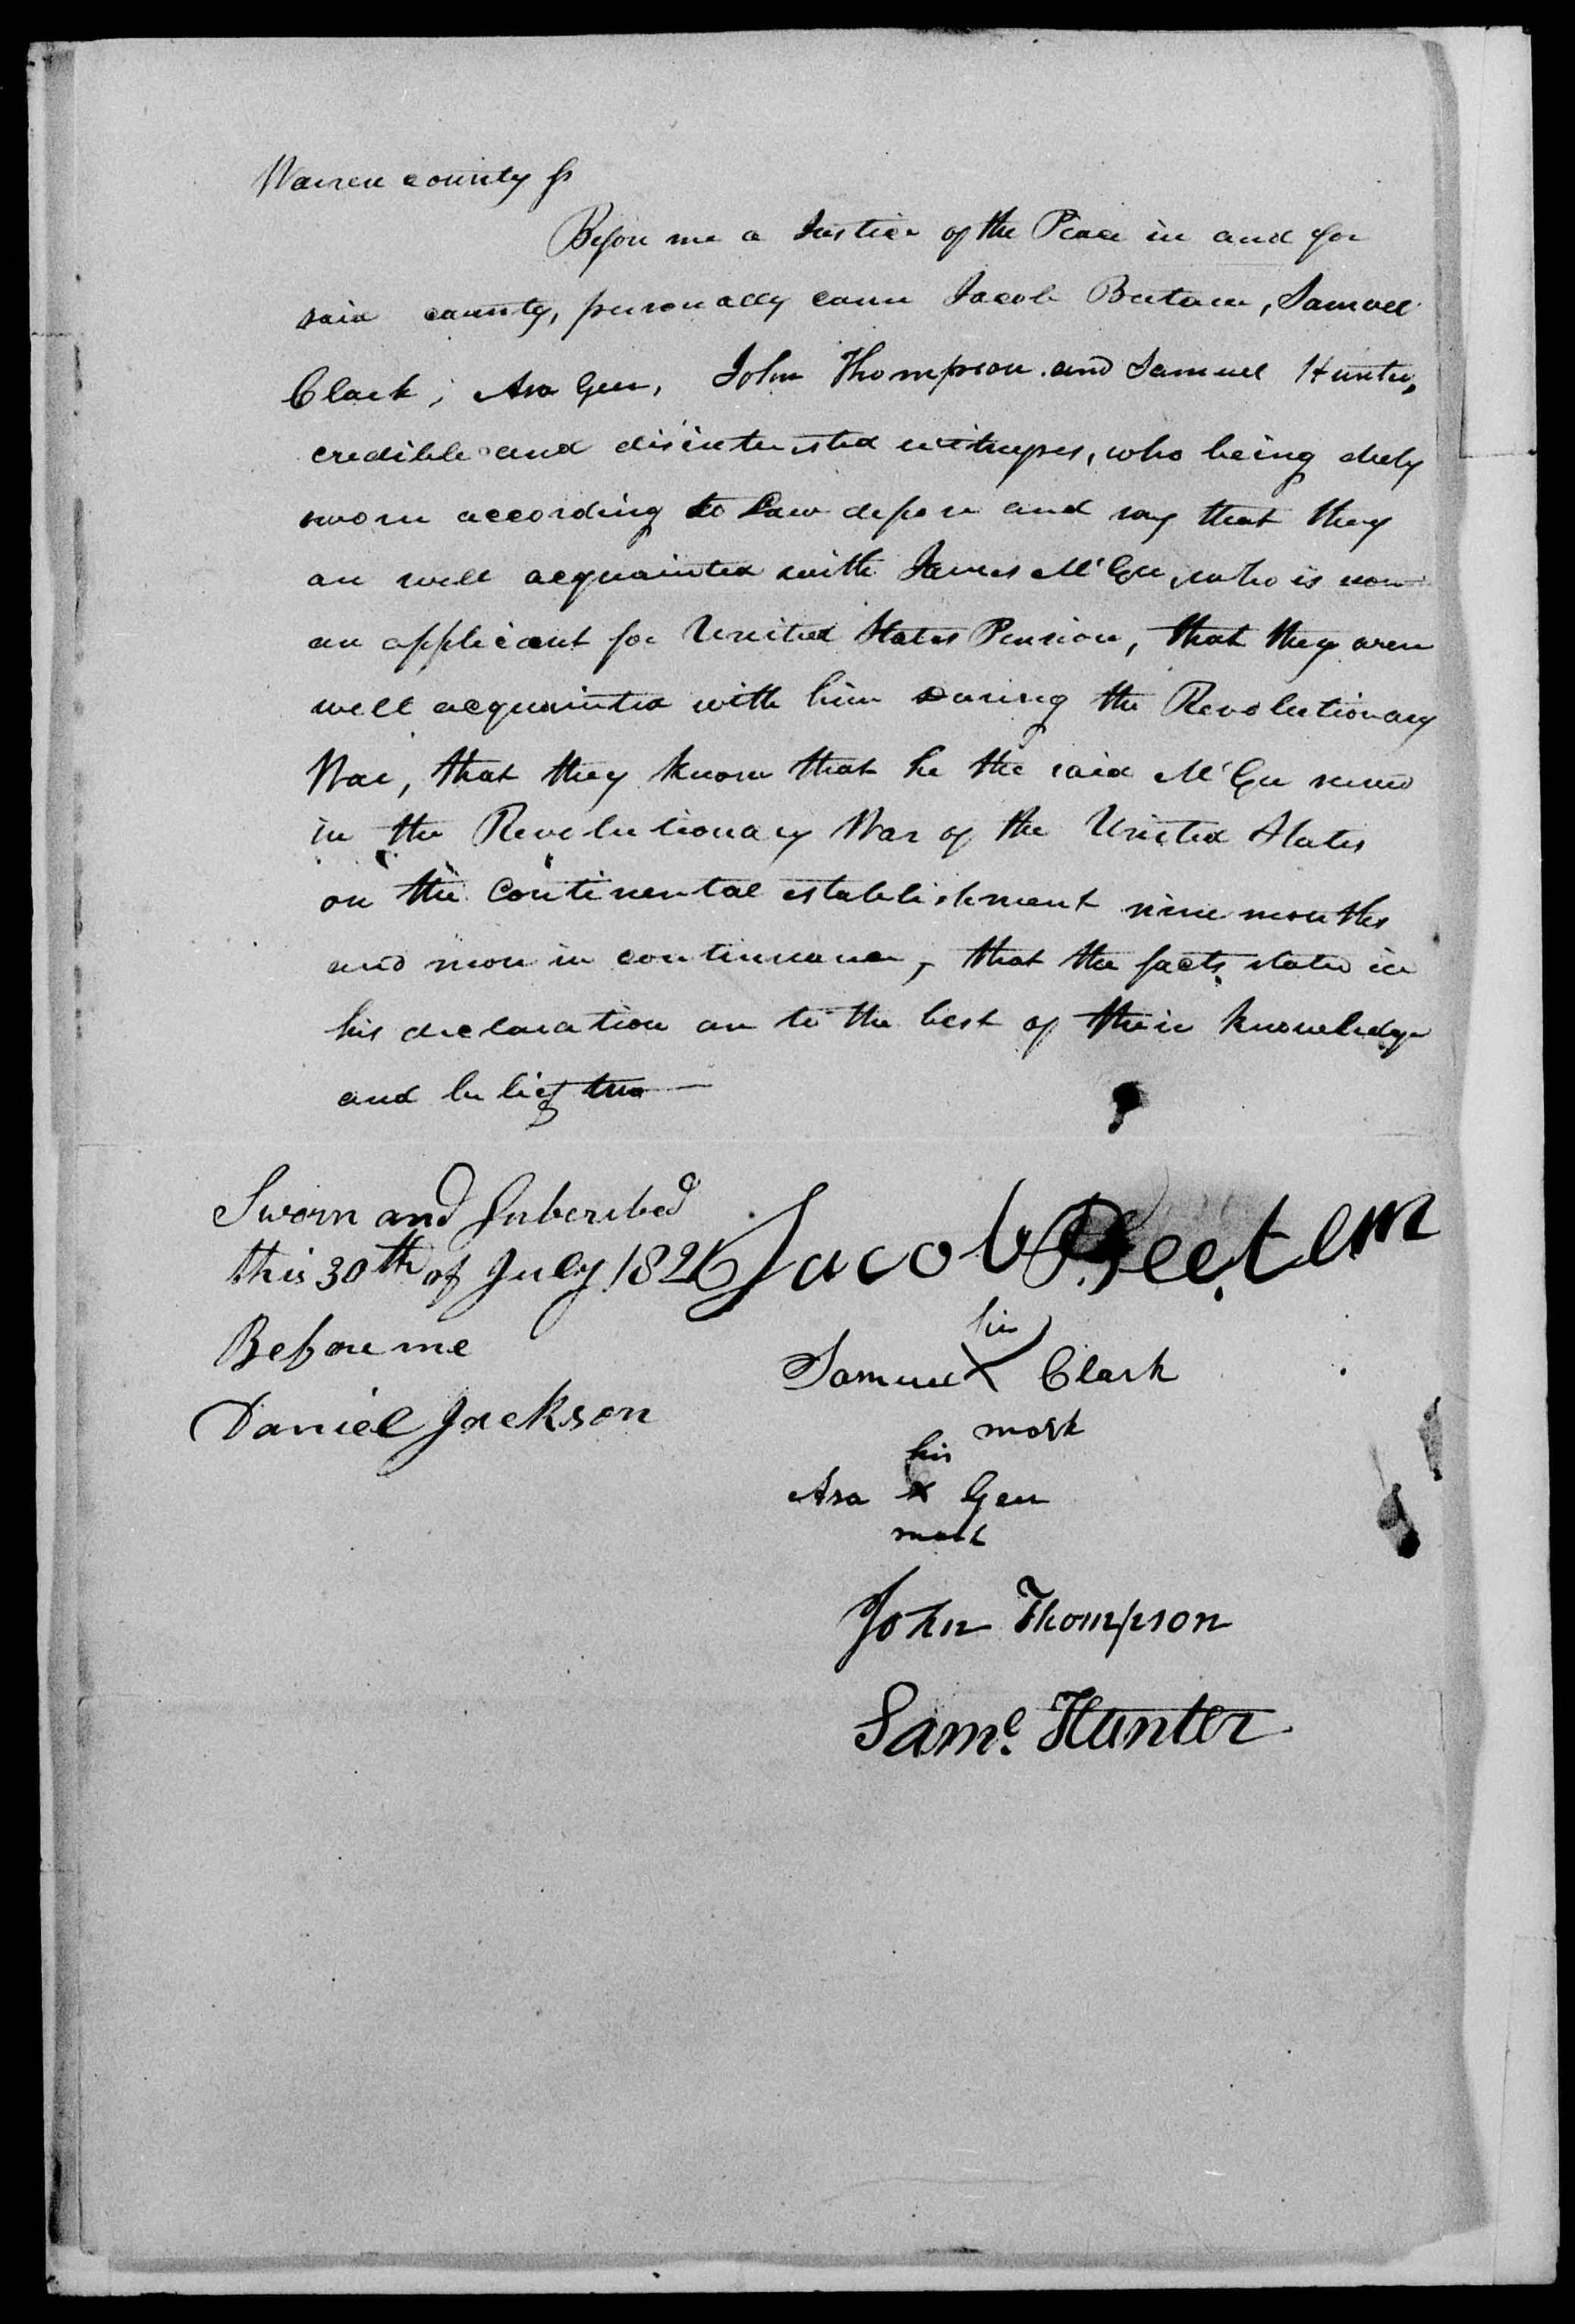Warren County ss

Before me a Justice of the Peace in and for
said County, personally came Jacob Beetem, Samuel Clark; Asa Geer, John Thompson and Samuel Hunter credible and disinterested witnesses, who being duly sworn according to law depose and say that they are well acquainted with James McGee who is now
an applicant for United States Pension, that they are well acquainted with him during the Revolutionary War , that they know that he the said McGee served in the Revolutionary War of the United States on the continental establishment nine month and more in continuance that the facts stated in
his declaration on to the best of their knowledge and beliefs

Jacob Beetem ( his signature)
Asa (his  X mark) Geer
Samuel  (his mark) Clark
Same. Hunter ( his signature)

Sworn and Subscribed
this 30th of July 1826 
Before me

Daniel Jackson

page: 65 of 77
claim: widow's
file: W 2954, for James Mc Gee, Delaware